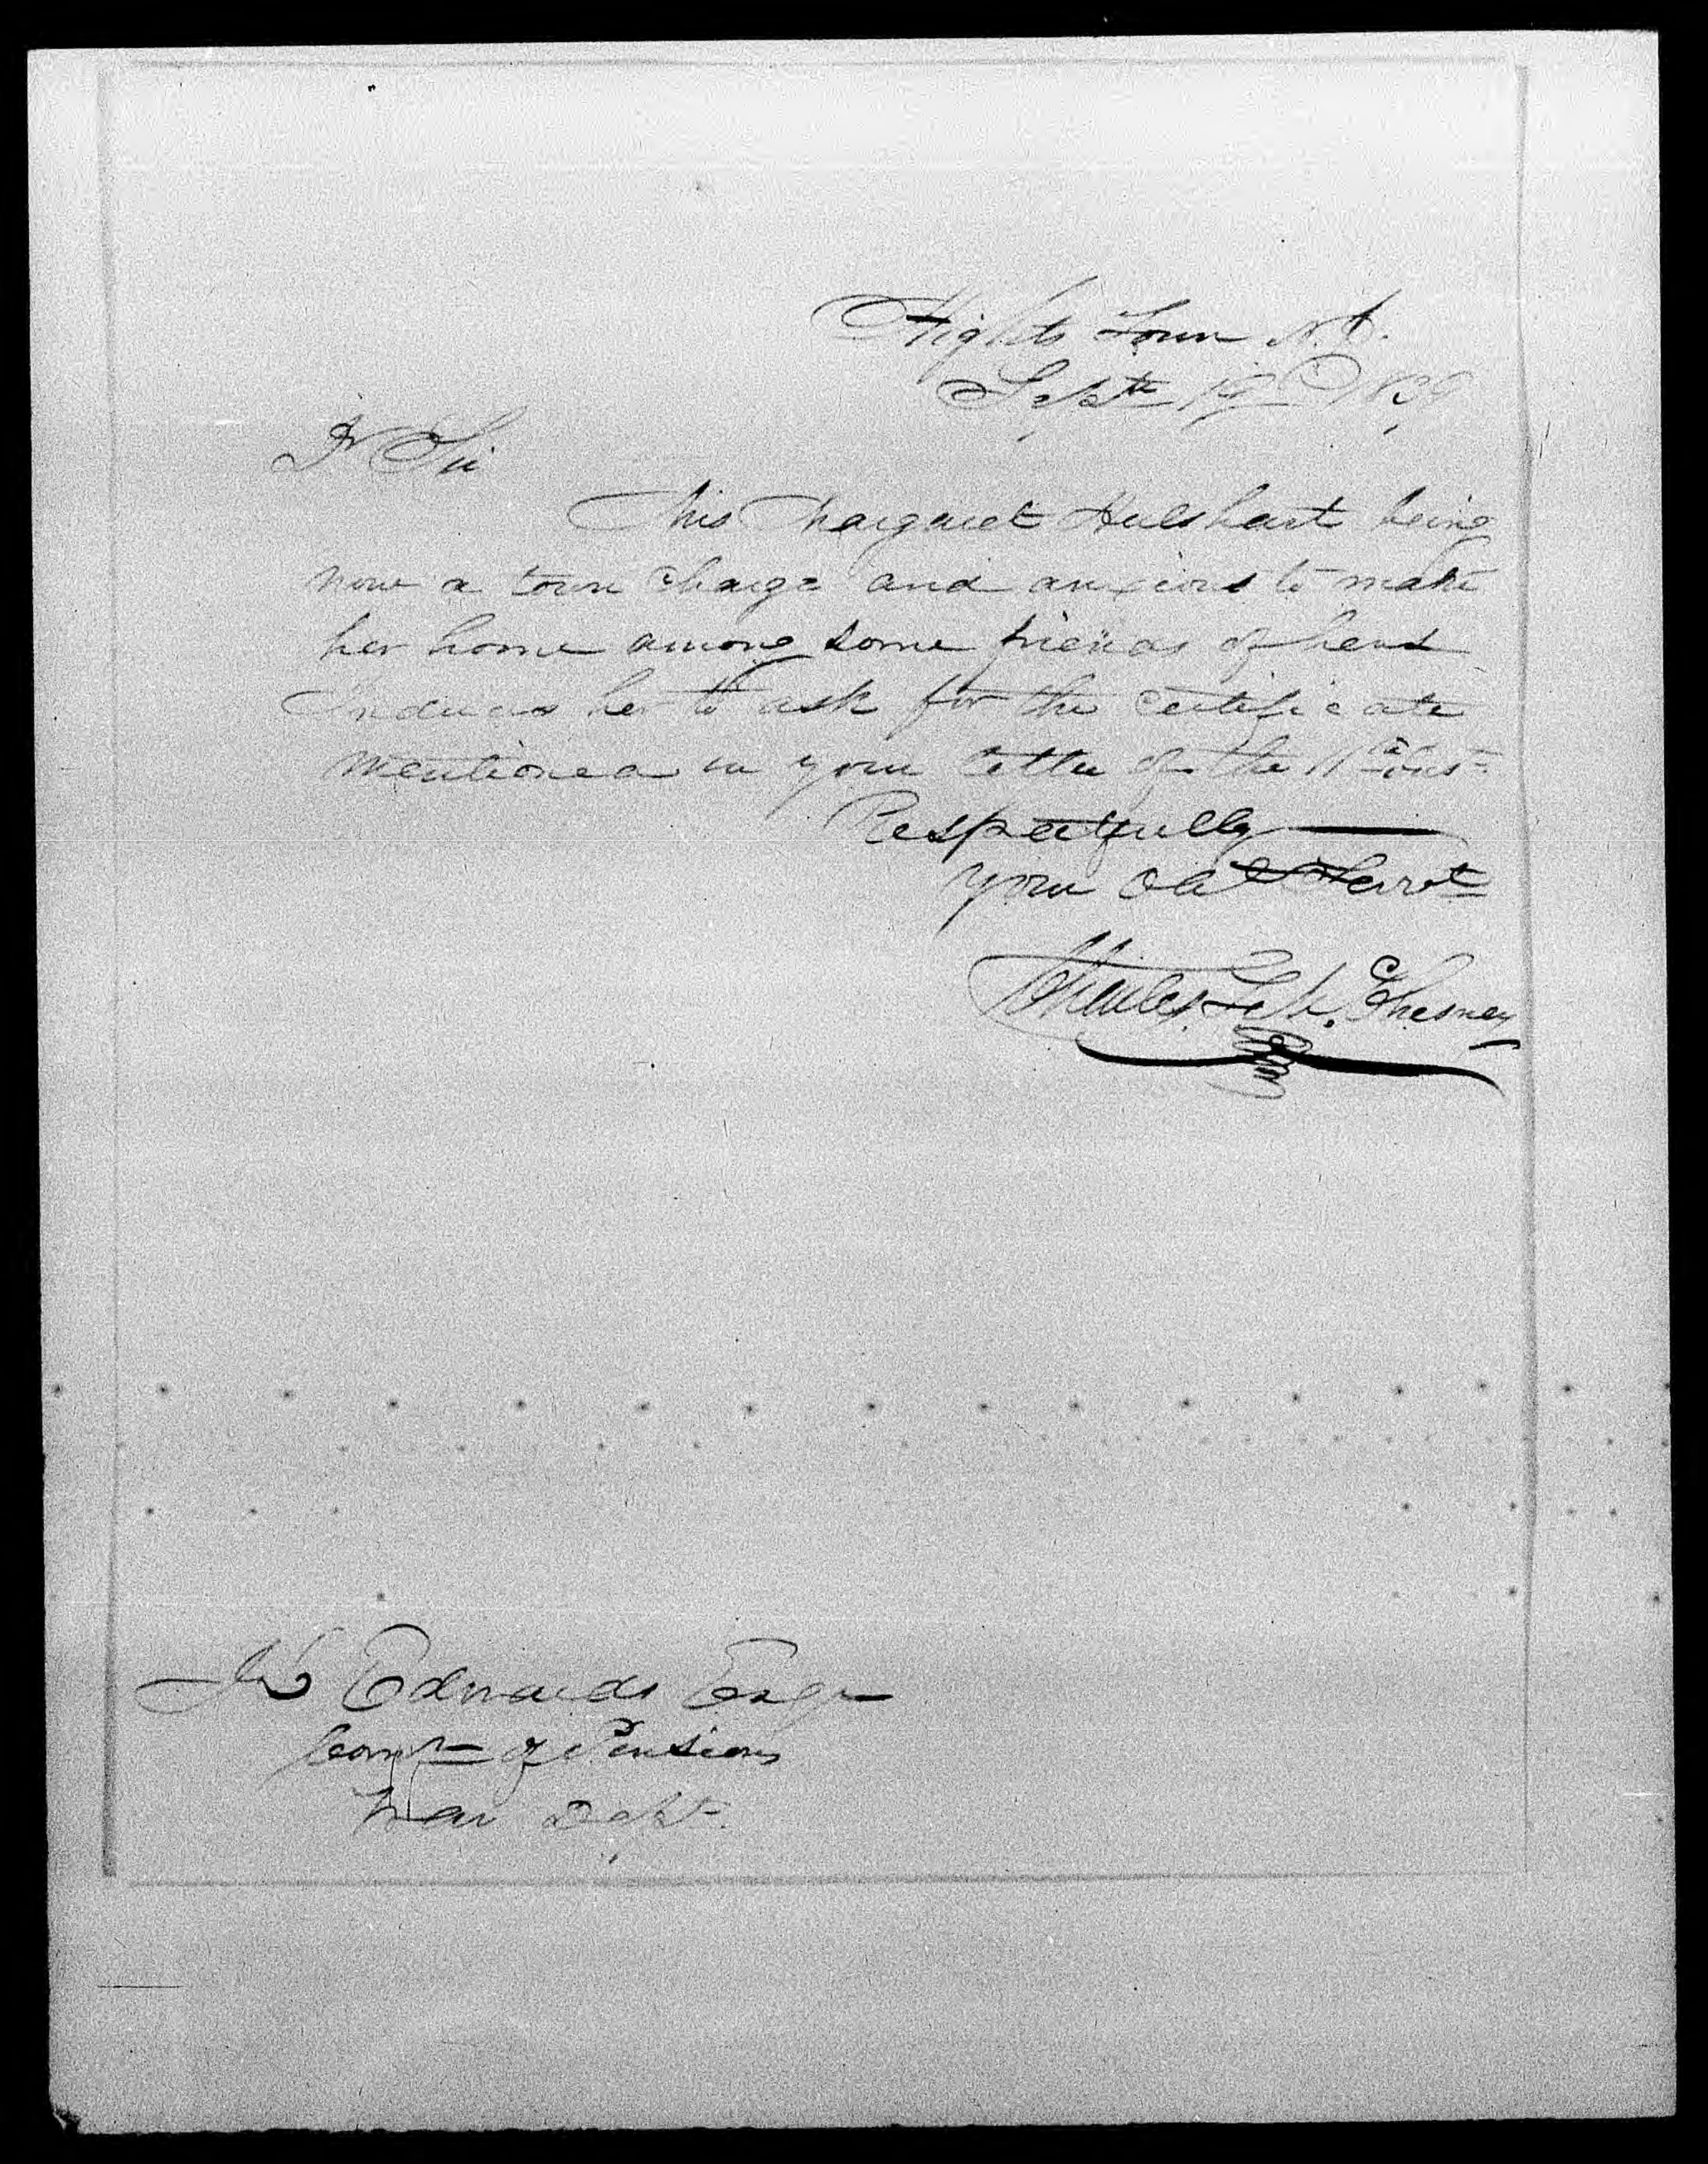Hights Town N.J. Sept 19 1839
Miss Margaret Hulshart being now a town charge and anxious to make her home among some friends of hers Induces her to ask for the certificate mentioned in your letter of the 11th last
Respectfully 
your Obt Servt
Witley D. Chesney 
J L Edwards Esq
Court of Pensions
War Dept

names: Charles G Mc Chesney, Margaret Hulshart, J L Edwards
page: 25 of 34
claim: widow's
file: W. 940, John Hulshart, New Jersey